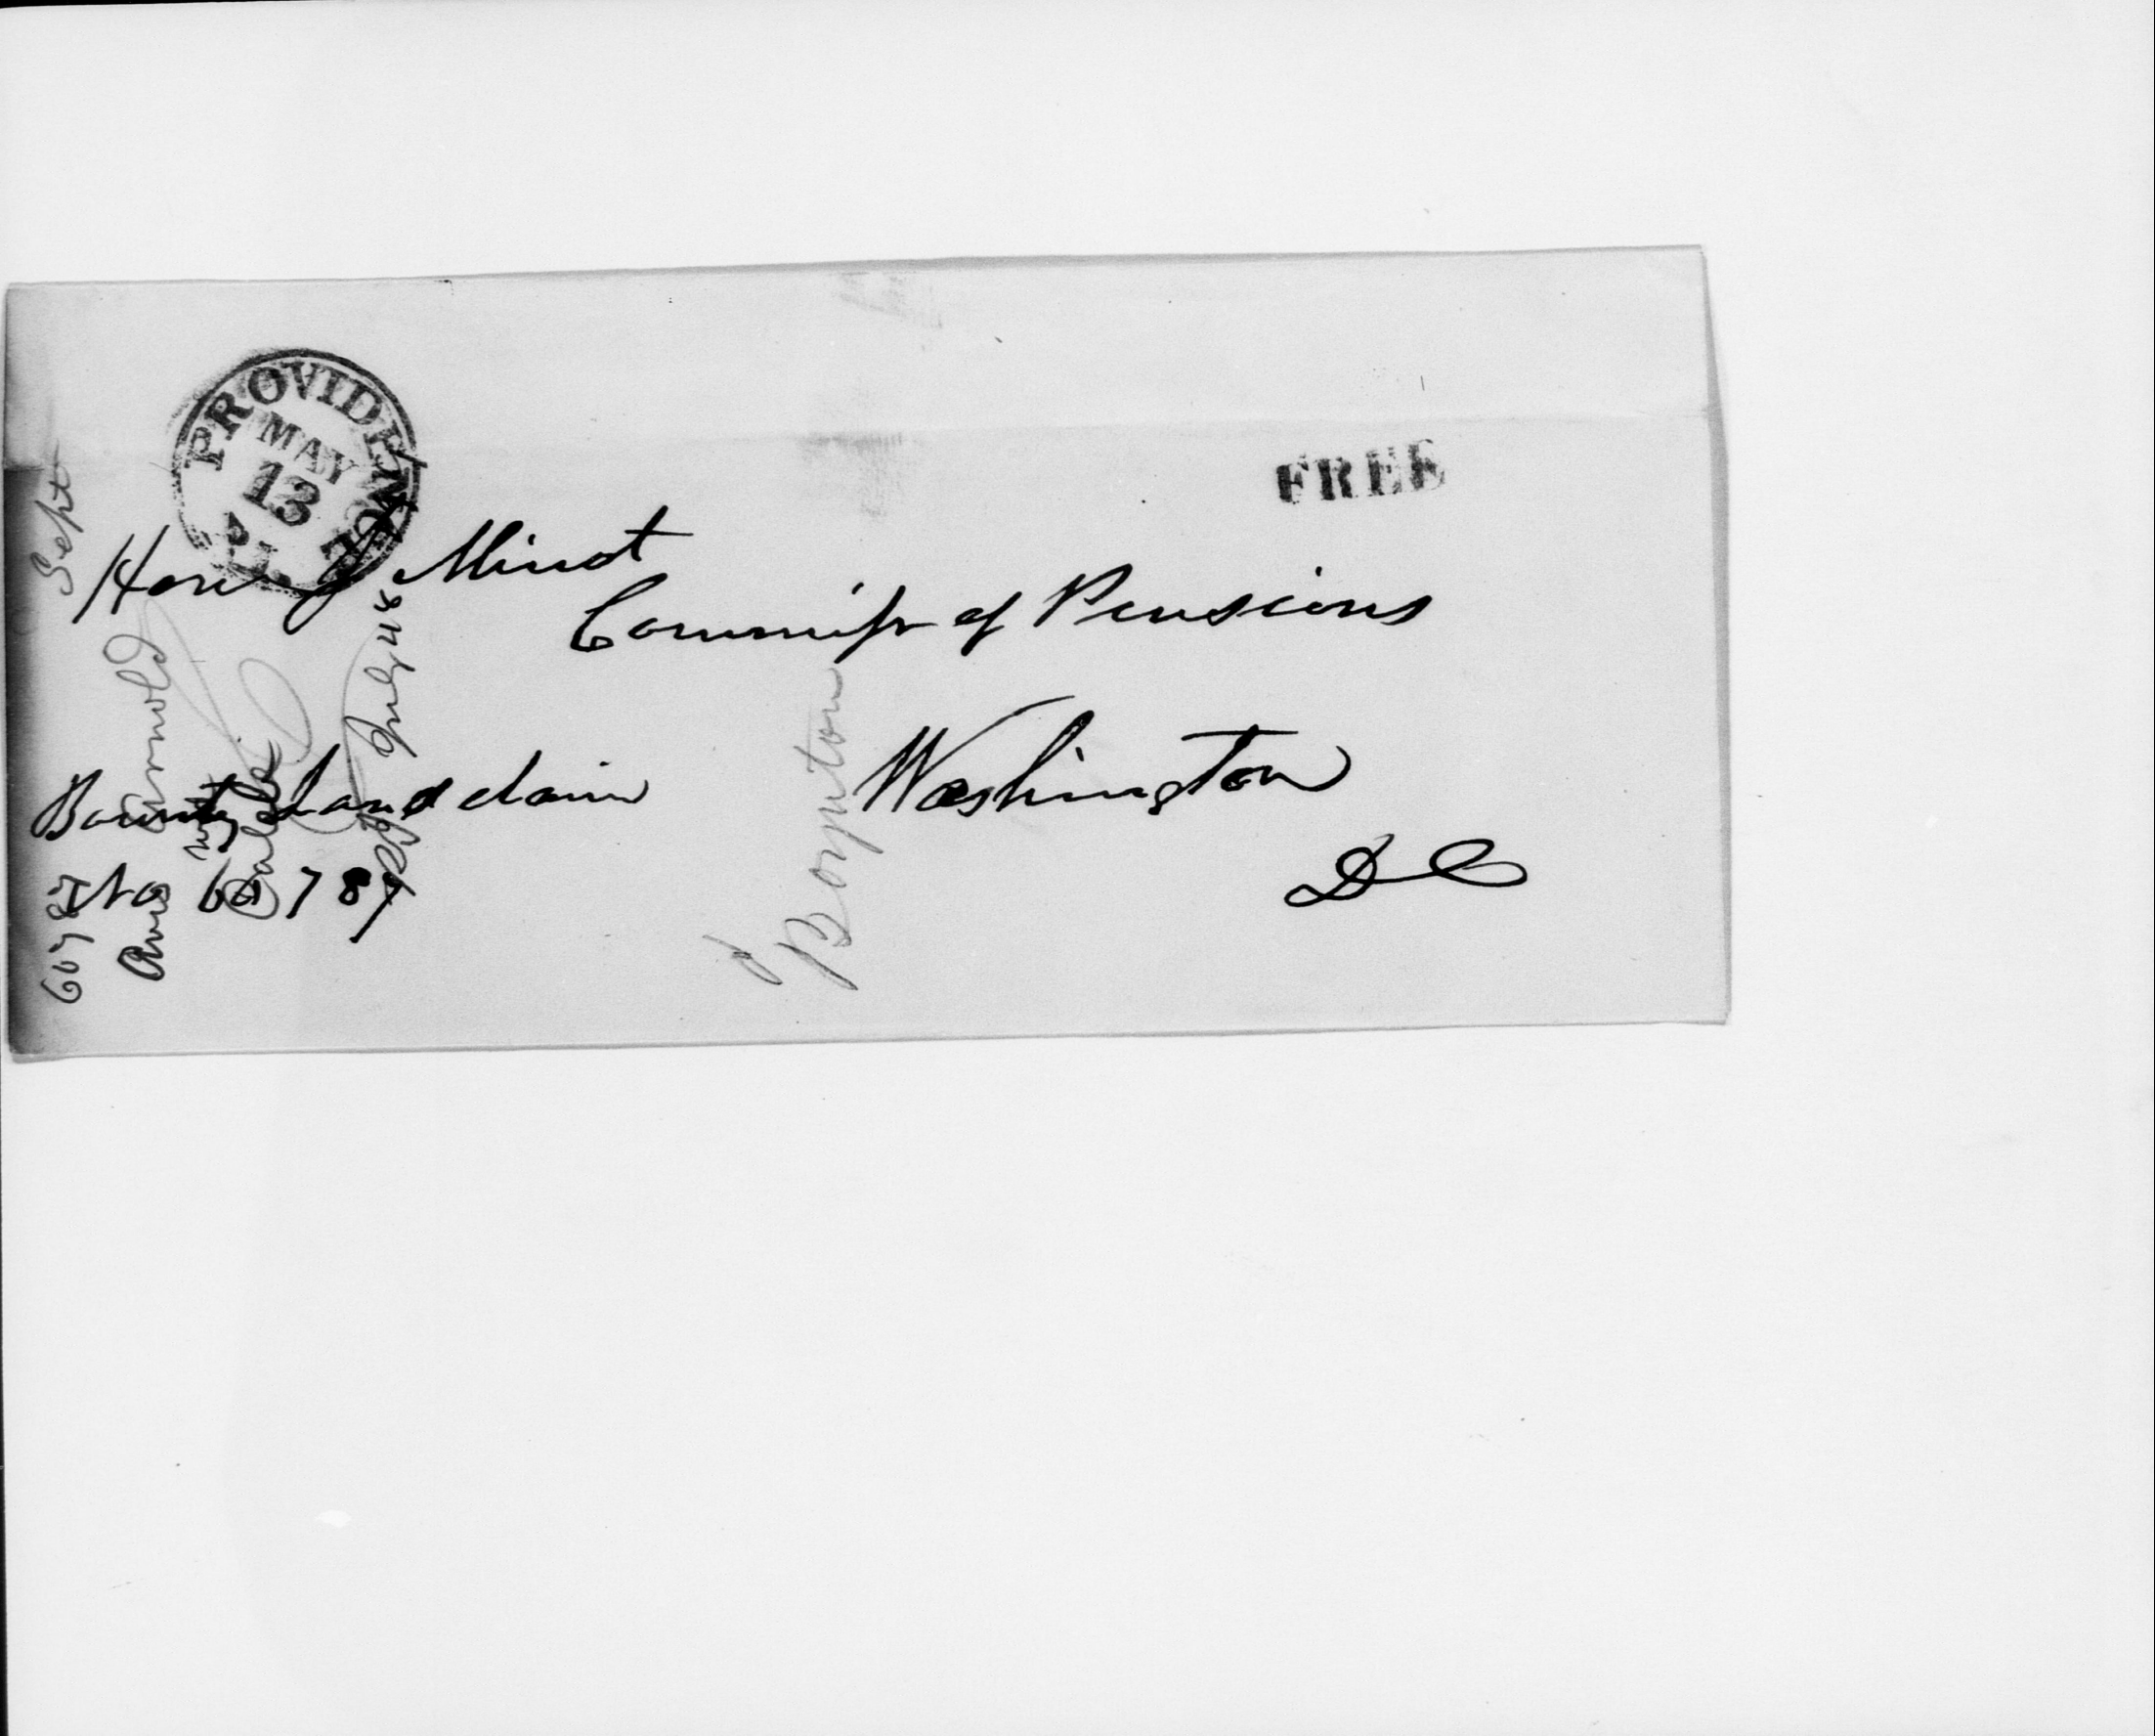Henry Minot
Commis of Pensions 
Washinton DC 
Bureau, Land Claims
No 60787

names: Henry Minot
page: 22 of 29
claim: widow's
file: W. 2582, Caleb Arnold, R.I.